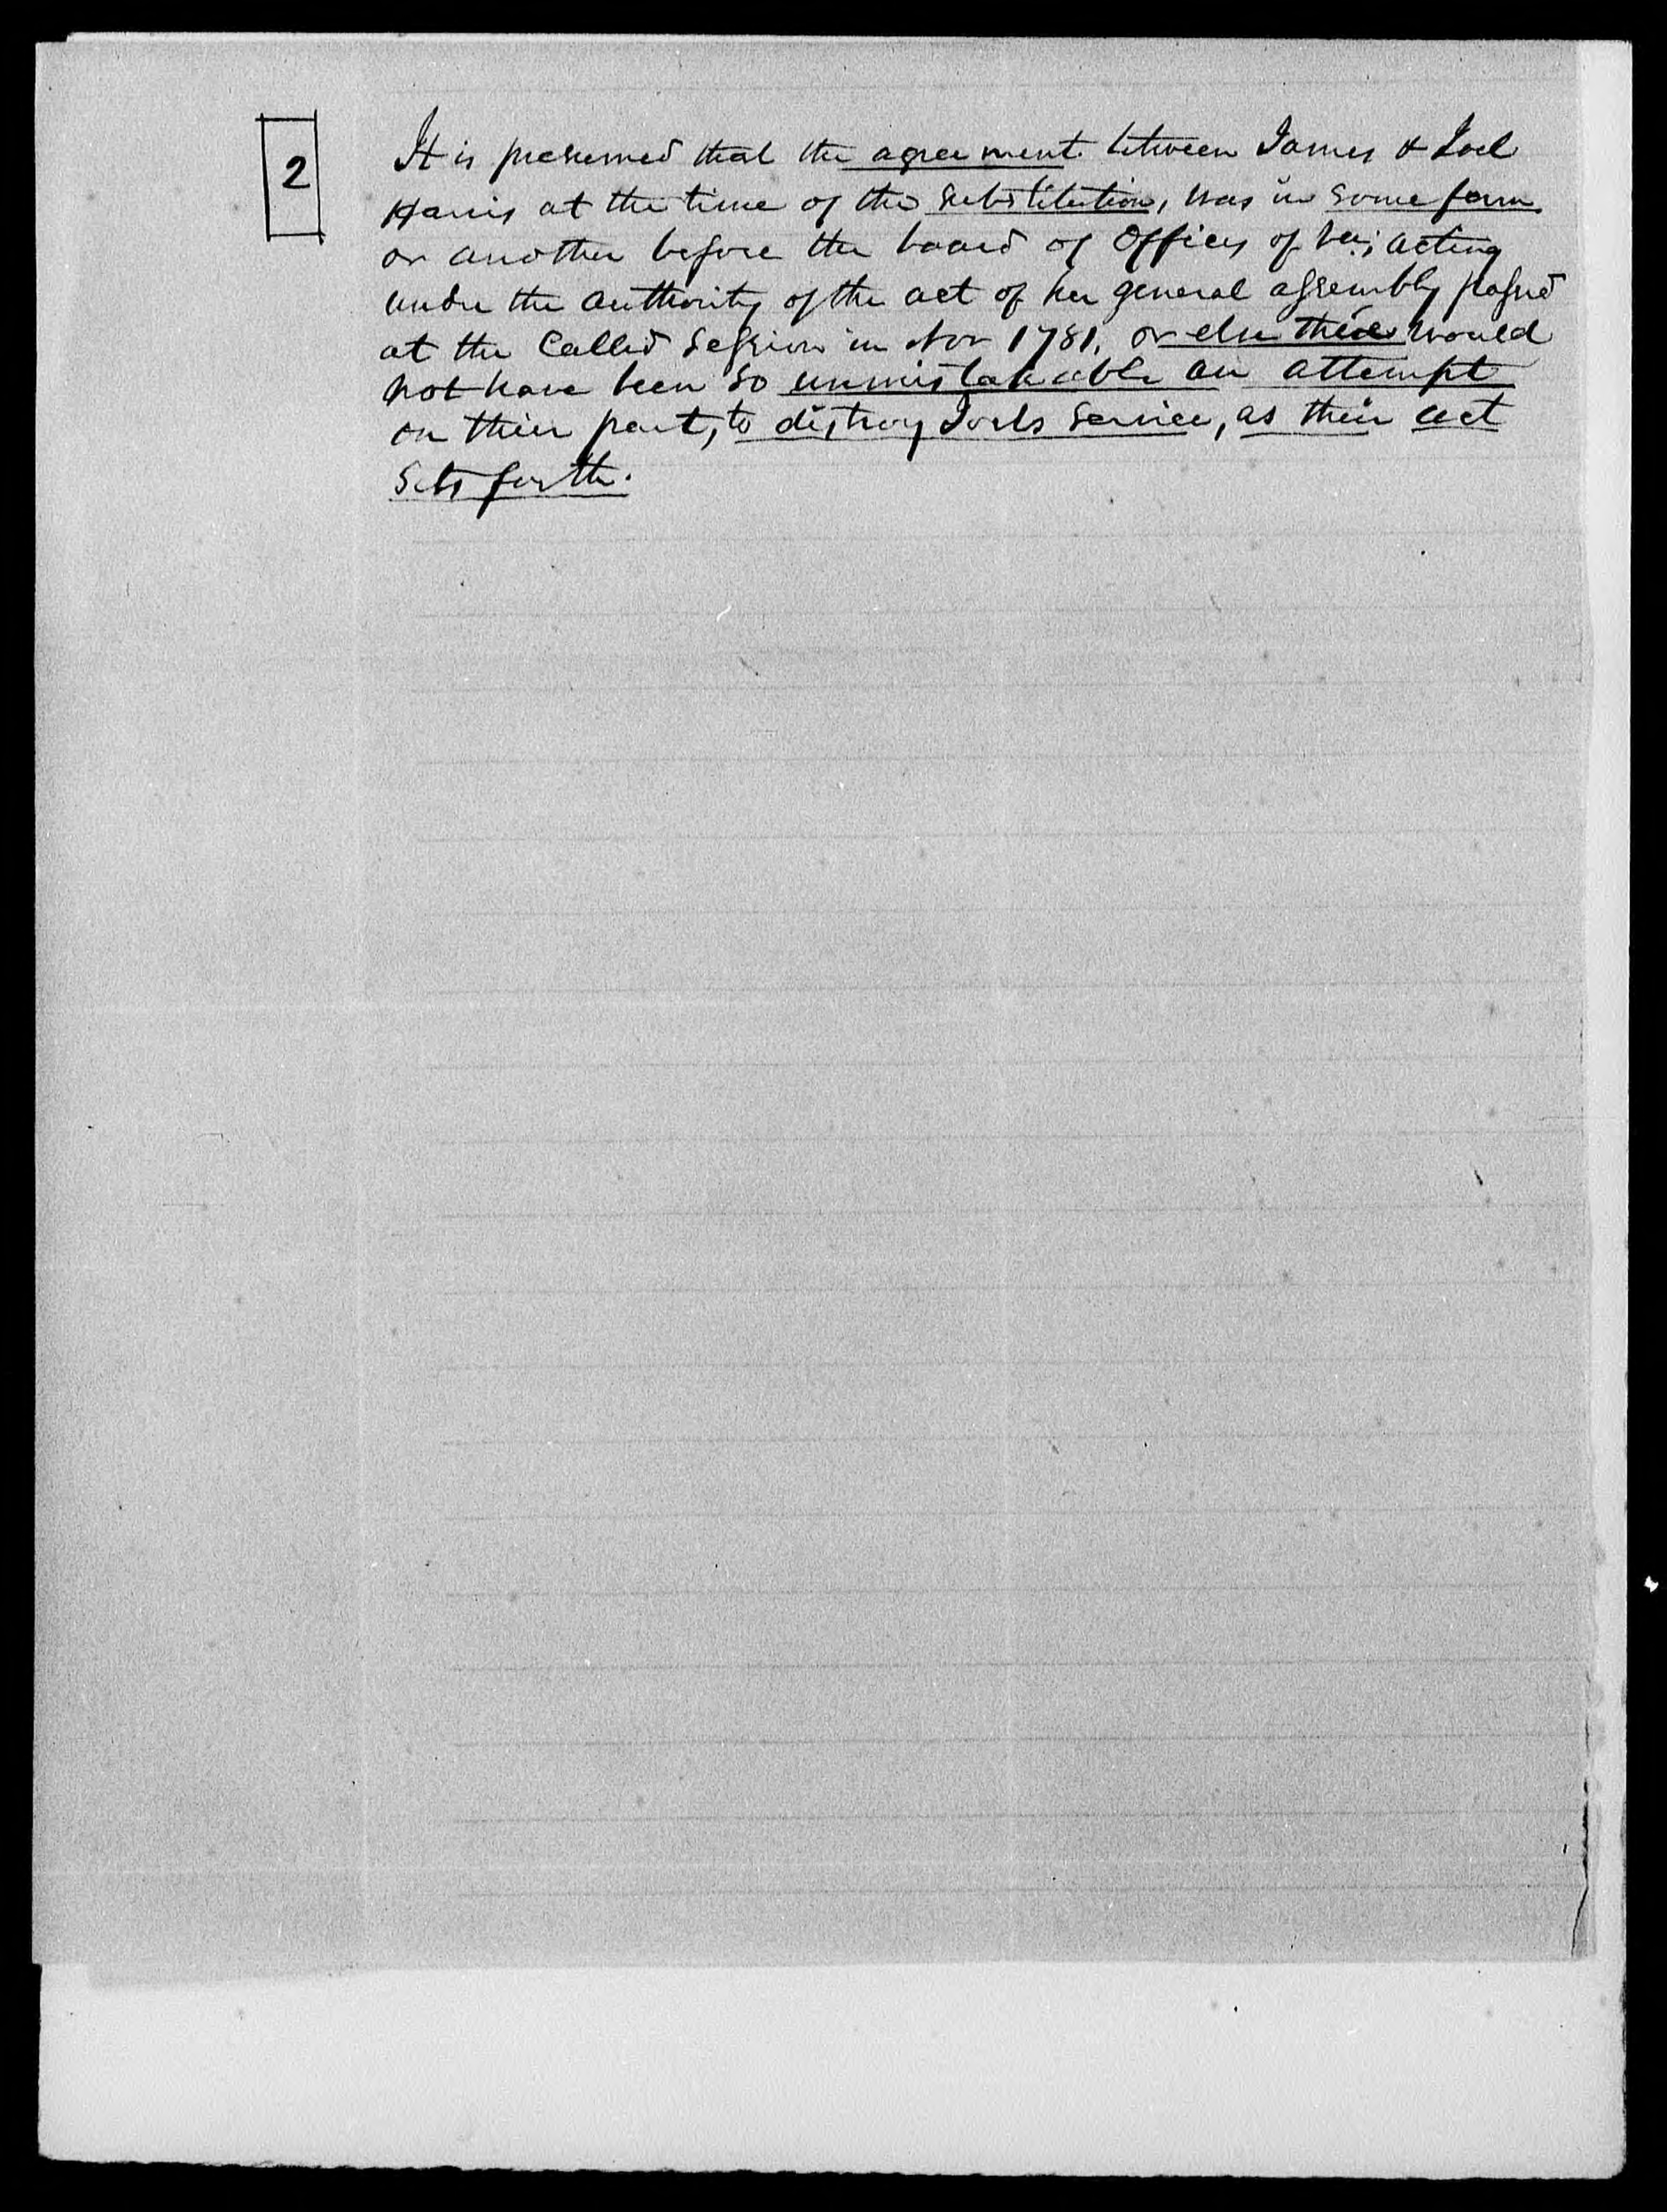(2)
It is presumed that the agreement between James & Joel Harris at the time of the substitution, was in some form or another before the board of Officers of Va, acting under the authority of the act of her general assembly passed at the called session in Nov 1781 or else this would not have been so unmistakable an attempt on their part, to distroy [sic] Joels service, as their act sets forth.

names: Joel, Joel Harris, James Harris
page: 110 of 160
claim: rejected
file: R. 4666, James Harris, Va.